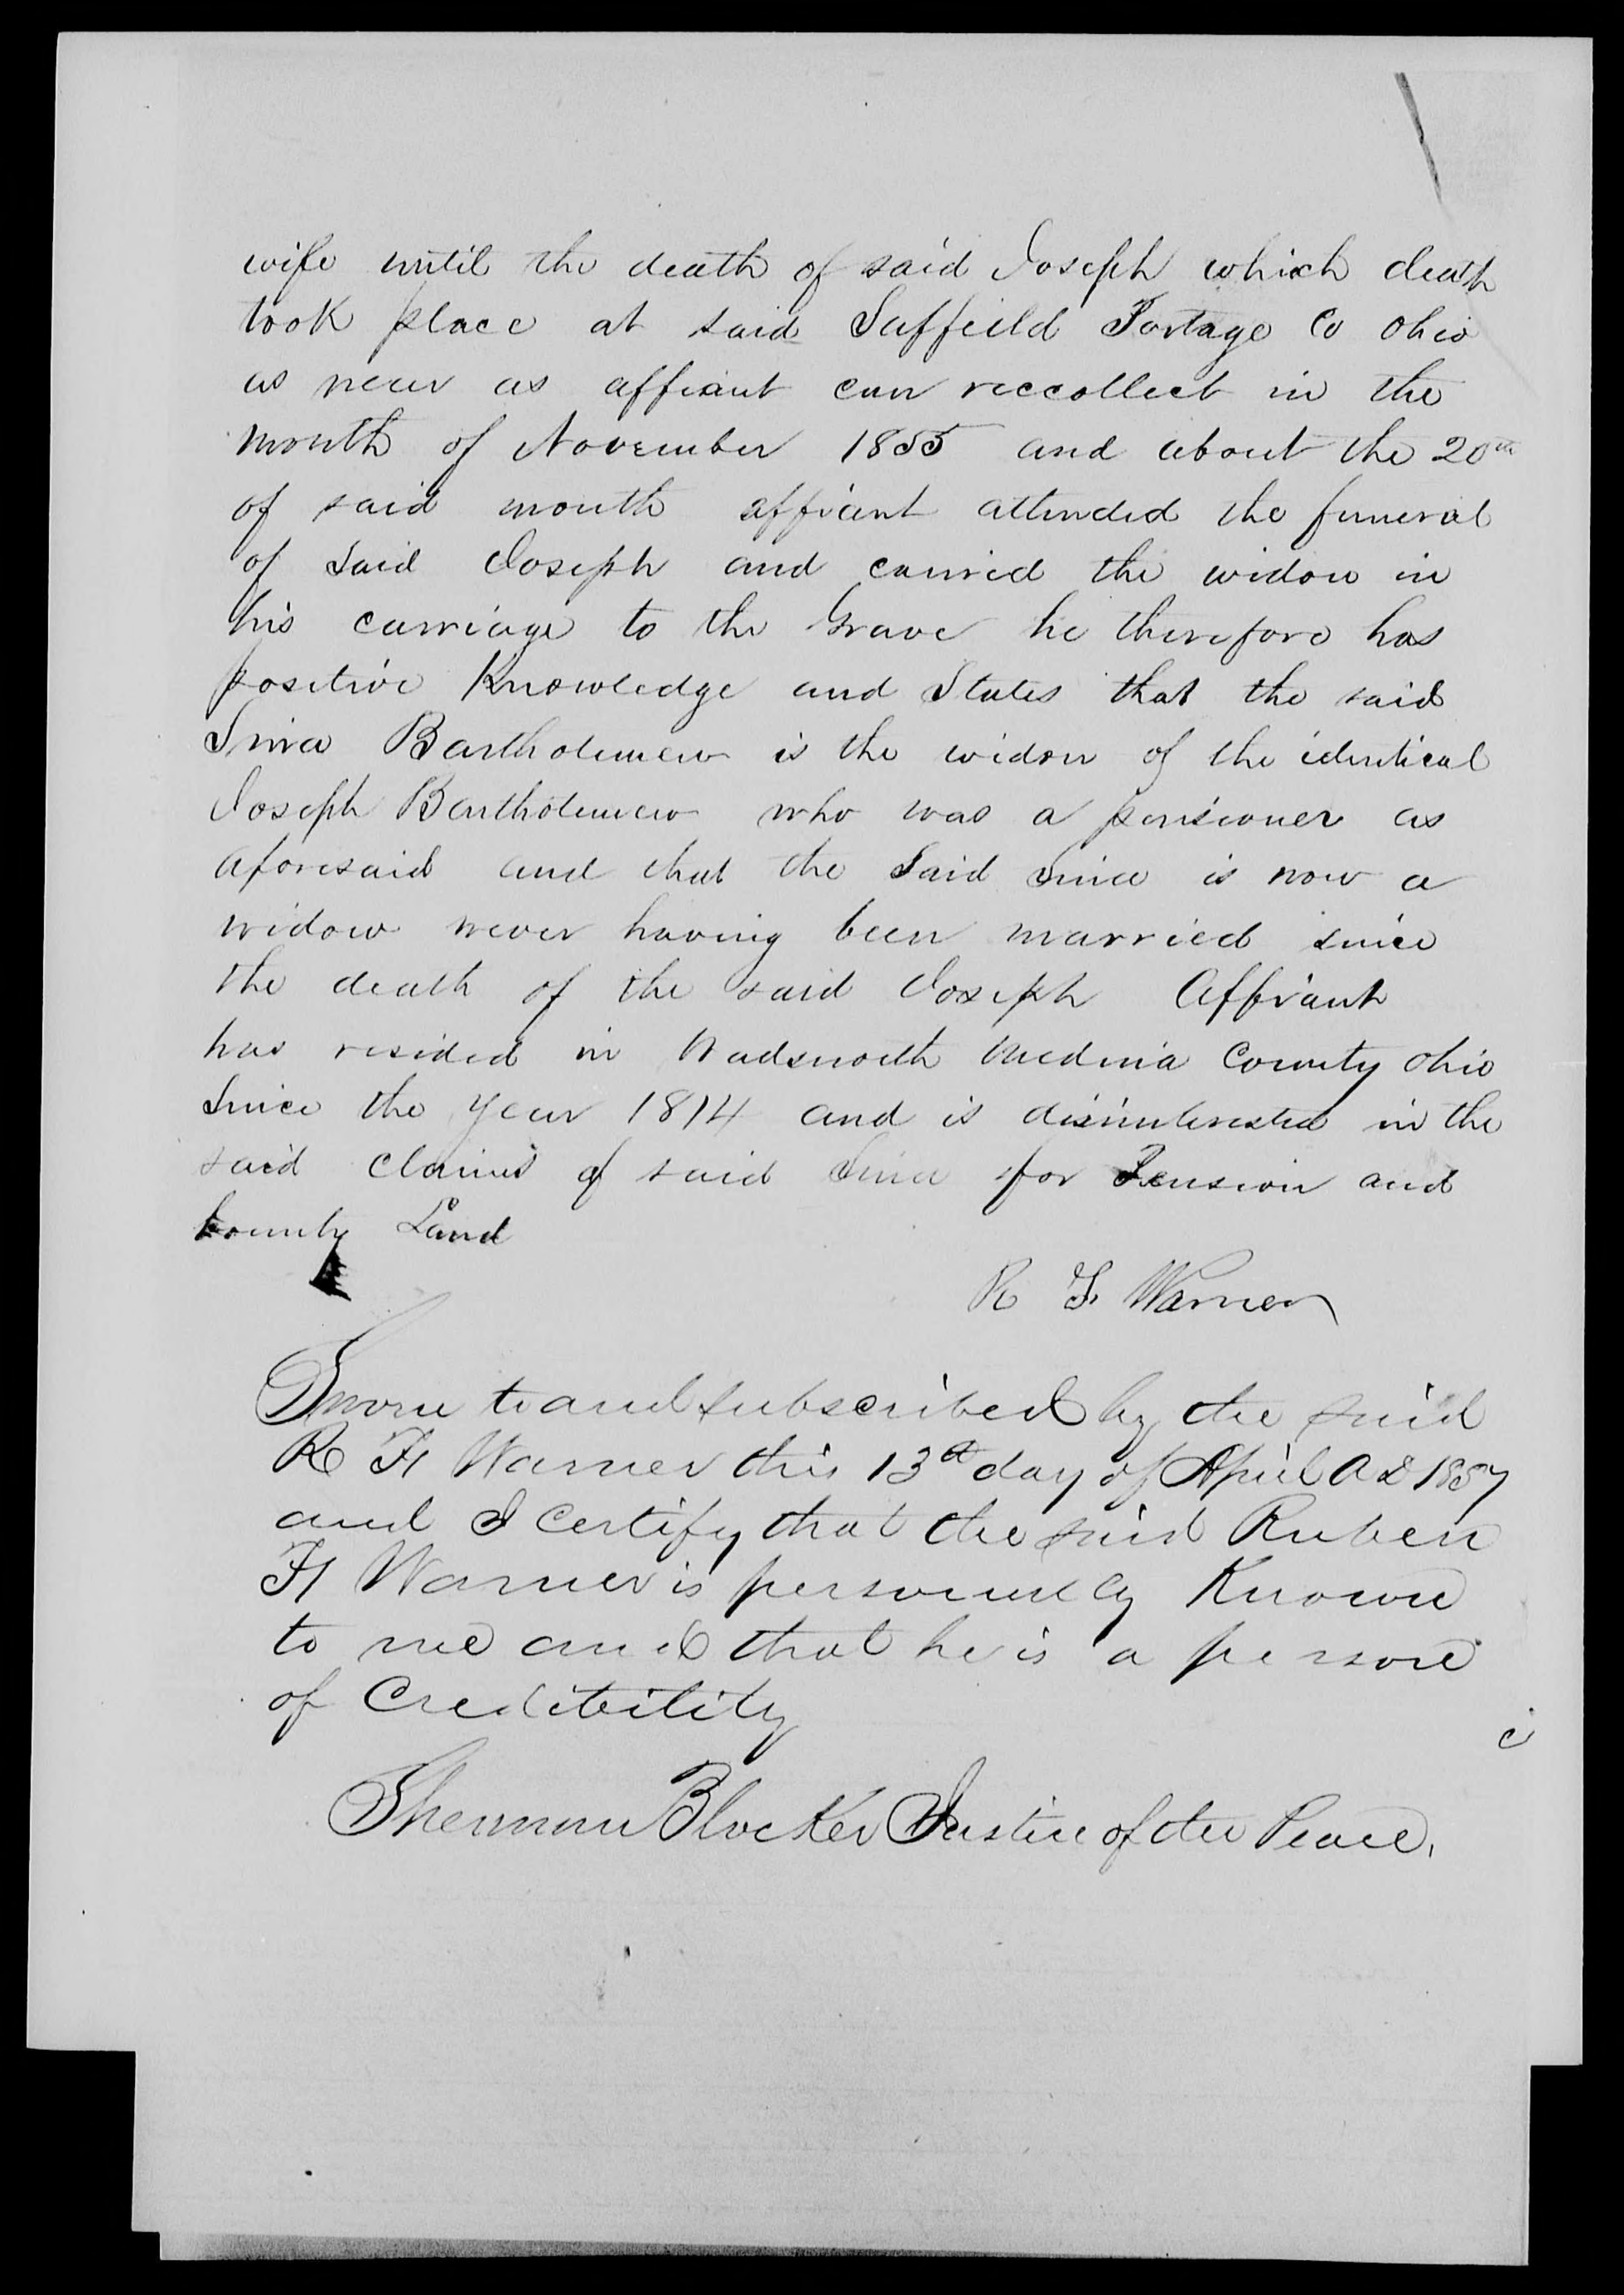wife until the death of said Joseph which death
took place at said Suffield Portage Co Ohio
as near as affiant can reccollect in the
month of November 1855 and about the 20th
of said month affiant attended the funeral
of said Joseph and carried the widow in
his carriage to the Grave he therefore has
positive knowledge and States that the said
Sina Bartholomew is the widow of the identical
Joseph Bartholomew who was a pensioner as
aforesaid and that the said Sina is now a
widow never having been married since
the death of the said Joseph Affiant has
resided in Wadsworth Medina County Ohio
since the year 1814 and is disinterested in the
said claims of said send for pension and
County Land
R F Warner
Sworn to and subscribed by the said
R F Warner this 13th day of April AD 1857
and I certify that the said Ruben F
Warner is personally known
to me and that he is a person
of Credibility
Sherman Blocker Justice of the Peace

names: Joseph, Sina, Joseph, Joseph, Sina, Ruben F Warner, Sherman Blocker, R F Warner, Joseph Bartholemew, Sina Bartholemew, R F Warner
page: 48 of 76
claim: widow's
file: W. 9345, Joseph Bartholomew, Conn.